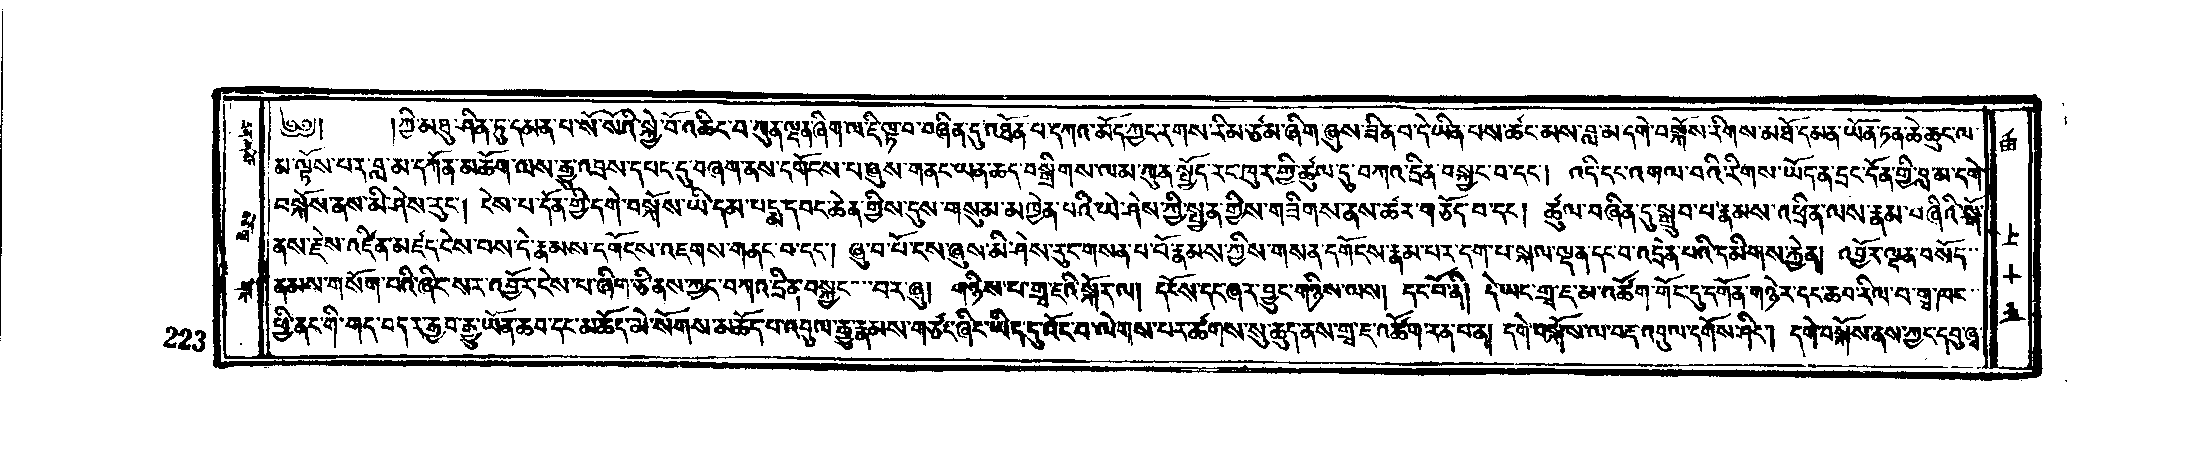༄༅། །ཀྱི་མཐུ་ཤིན་ཏུ་དམན་པ་སོ་སོའི་སྐྱེ་བོ་འཆིང་བ་ཀུན་ལྡན་ཞིག་ལ་ཇི་ལྟ་བ་བཞིན་དུ་འཐོན་པ་དཀའ་མོད་ཀྱང་རགས་རིམ་ཙམ་ཞིག་ཞུས་ཟིན་པ་དེ་ཡིན་པས་ཚང་མས་བླ་མ་དགེ་བསྐོས་རིགས་མཐོ་དམན་ཡོན་ཏན་ཆེ་ཆུང་ལ་
མ་ལྟོས་པར་བླ་མ་དཀོན་མཆོག་ལས་རྒྱུ་འབྲས་དབང་དུ་བཞག་ནས་དགོངས་པ་ཞུས་གནང་ཡན་ཆད་བསྒྲིགས་ལམ་ཀུན་སྤྱོད་རང་ཁུར་གྱི་ཚུལ་དུ་བཀའ་དྲིན་བསྐྱང་བ་དང་། འདི་དང་འགལ་བའི་རིགས་ཡོད་ན་དྲང་དོན་གྱི་བླ་མ་དགེ་
བསྐོས་ནས་མི་ཤེས་རུང་། ངེས་པ་དོན་གྱི་དགེ་བསྐོས་ཡི་དམ་པདམ་དབང་ཆེན་གྱིས་དུས་གསུམ་མཁྱེན་པའི་ཡེ་ཤེས་ཀྱི་སྤྱན་གྱིས་གཟིགས་ནས་ཚར་གཅོད་པ་དང་། ཚུལ་བཞིན་དུ་སྒྲུབ་པ་རྣམས་འཕྲིན་ལས་རྣམ་བཞིའི་སྒོ་
ནས་རྗེས་འཛིན་མཛད་ངེས་པས་དེ་རྣམས་དགོངས་འཇགས་གནང་བ་དང་། ཞུ་བ་པོ་ངས་ཞུས་མི་ཤེས་རུང་གསན་པ་པོ་རྣམས་ཀྱིས་གསན་དགོངས་རྣམ་པར་དག་པ་སྐལ་ལྡན་དང་བ་འདྲེན་པའི་དམིགས་རྐྱེན། འབྱོར་ལྡན་བསོད་
ནམས་གསོག་པའི་ཞིང་སར་འབྱོར་ངེས་པ་ཞིག་ཅི་ནས་ཀྱང་བཀའ་དྲིན་བསྐྱང་བར་ཞུ། གཉིས་པ་གྲྭ་ཇའི་སྐོར་ལ། དངོས་དང་ཞར་བྱུང་གཉིས་ལས། དང་པོ་ནི། དེ་ཡང་གྲྭ་ཇ་མ་འཚོག་གོང་དུ་དགོན་གཉེར་དང་ཆབ་རིལ་པ་གྲྭ་ཁང་
ཕྱི་ནང་གི་གང་བདར་རྒྱབ་རྒྱུ་ཡོན་ཆབ་དང་མཆོད་མེ་སོགས་མཆོད་པ་འབུལ་རྒྱུ་རྣམས་གཙང་ཞིང་ཡིད་དུ་འོང་བ་ལེགས་པར་ཚགས་སུ་ཆུད་ནས་གྲྭ་ཇ་འཚོག་རན་པ་ན། དགེ་བསྐོས་ལ་བརྡ་འབུལ་དགོས་ཤིང་། དགེ་བསྐོས་ནས་ཀྱང་དབུ་ཞྭ་